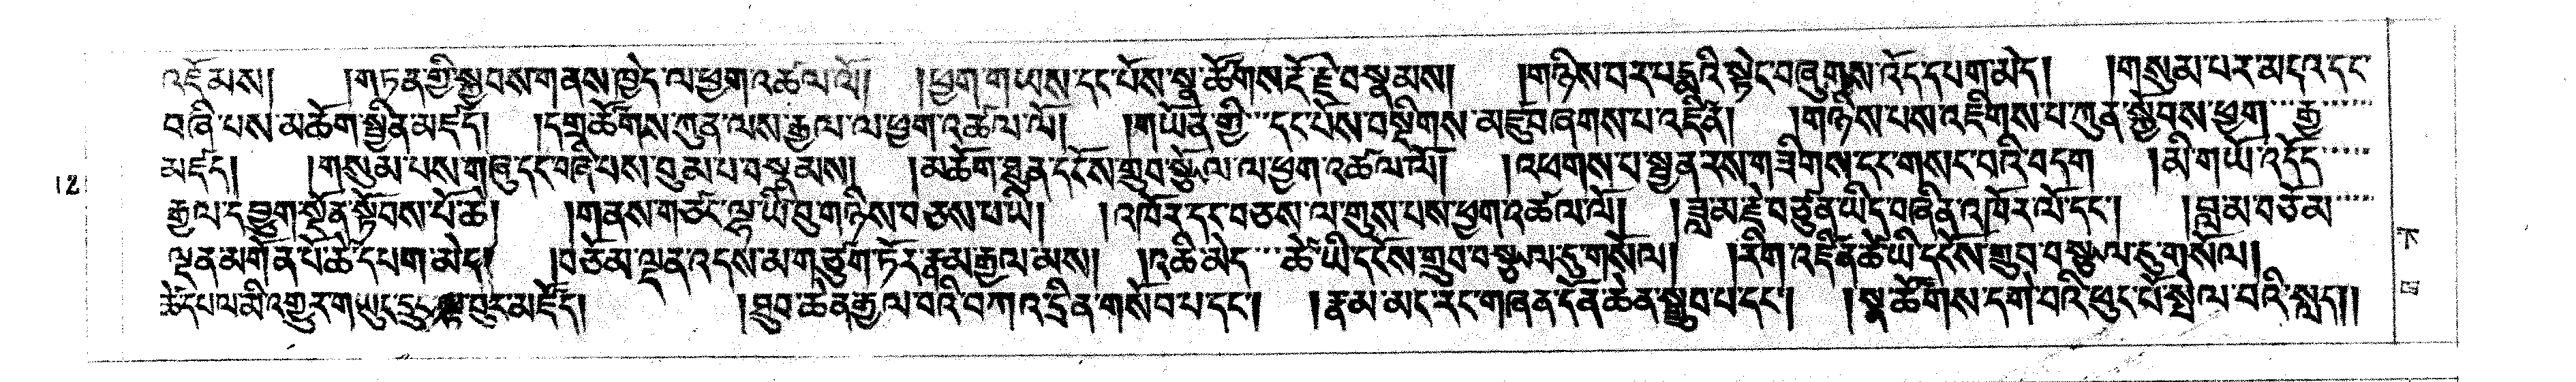འཇོམས། །གཏན་གྱི་སྐྱབས་གནས་ཁྱེད་ལ་ཕྱག་འཚལ་ལོ། །ཕྱག་གཡས་དང་པོས་སྣ་ཚོགས་རྡོ་རྗེ་བསྣམས། །གཉིས་བར་པདམའི་སྟེང་བཞུགས་འོད་དཔག་མེད། །གསུམ་པར་མདའ་དང་
བཞི་པས་མཆོག་སྦྱིན་མཛད། །དགྲ་ཚོགས་ཀུན་ལས་རྒྱལ་ལ་ཕྱག་འཚལ་ལོ། །གཡོན་གྱི་དང་པོས་བསྡིགས་མཛུབ་ཞགས་པ་འཛིན། །གཉིས་པས་འཇིགས་པ་ཀུན་སྐྱོབས་ཕྱག་རྒྱ་
མཛད། །གསུམ་པས་གཞུ་དང་བཞི་པས་བུམ་པ་བསྣམས། །མཆོག་ཐུན་དངོས་གྲུབ་སྩོལ་ལ་ཕྱག་འཚལ་ལོ། །འཕགས་པ་སྤྱན་རས་གཟིགས་དང་གསང་བའི་བདག །མི་གཡོ་འདོད་
རྒྱལ་དབྱུག་སྔོན་སྟོབས་པོ་ཆེ། །གནས་གཙང་ལྷ་ཡི་བུ་གཉིས་བཅས་པ་ཡི། །འཁོར་དང་བཅས་ལ་གུས་པས་ཕྱག་འཚལ་ལོ། །ཟླ་མ་རྗེ་བཙུན་ཡིད་བཞིན་འཁོར་ལོ་དང་། །བླ་མ་བཅོམ་
ལྡན་མགོན་པོ་ཆེ་དཔག་མེད། །བཅོམ་ལྡན་འདས་མ་གཙུག་ཏོར་རྣམ་རྒྱལ་མས། །འཆི་མེད་ཚེ་ཡི་དངོས་གྲུབ་བསྩལ་དུ་གསོལ། །རིག་འཛིན་ཚེ་ཡི་དངོས་གྲུབ་བསྩལ་དུ་གསོལ།
ཚེ་དཔལ་མི་འགྱུར་གཡུང་དྲུང་ལྟ་བུར་མཛོད། །ཐུབ་ཆེན་རྒྱལ་བའི་བཀའ་དྲིན་གསོབ་པ་དང་། །རྣམ་མང་རང་གཞན་དོན་ཆེན་སྒྲུབ་པ་དང་། །སྣ་ཚོགས་དགེ་བའི་ཕུང་པོ་སྤེལ་བའི་སླད།།